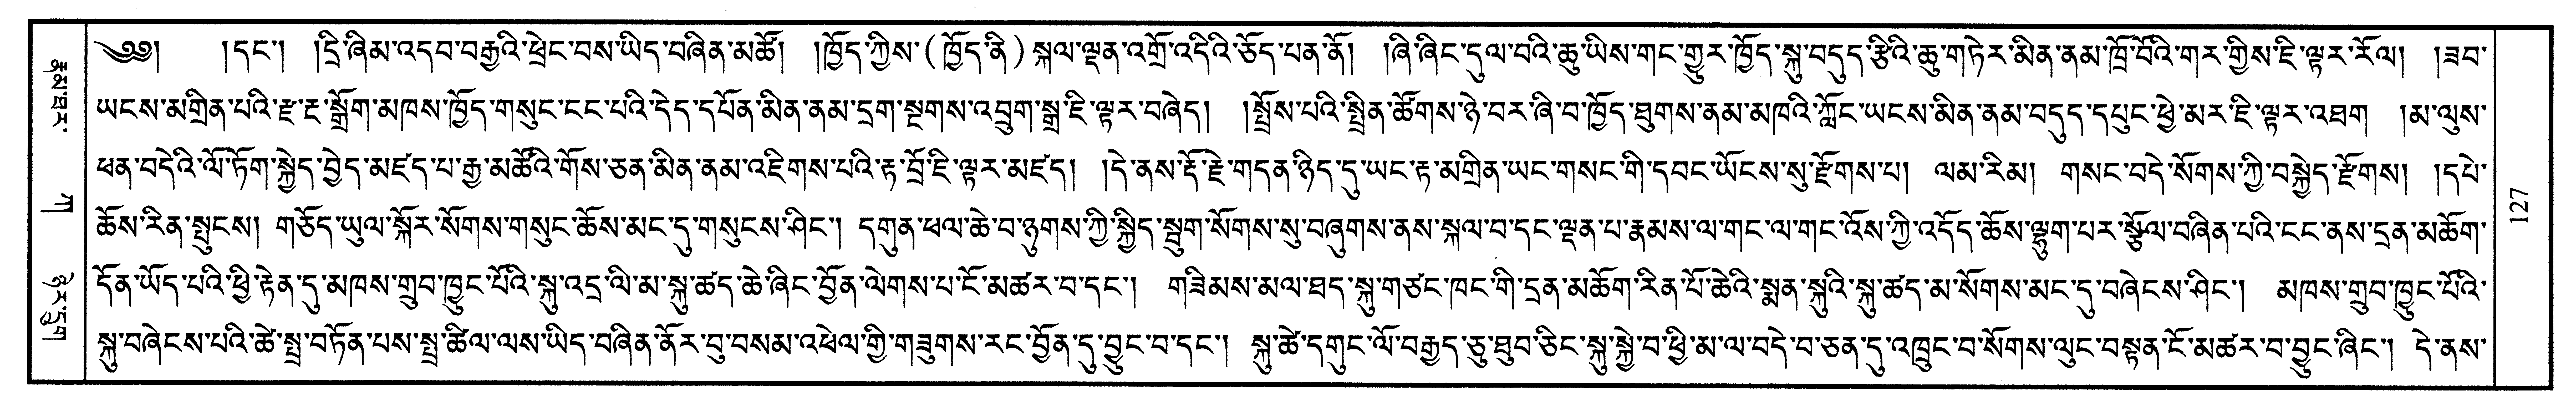༄༅། །དང་། །དྲི་ཞིམ་འདབ་བརྒྱའི་ཕྲེང་བས་ཡིད་བཞིན་མཚོ། །ཁྱོད་ཀྱིས་ཁྱོད་ནི་སྐལ་ལྡན་འགྲོ་འདིའི་ཅོད་པན་ནོ། །ཞི་ཞིང་དུལ་བའི་ཆུ་ཡིས་གང་གྱུར་ཁྱོད་སྐུ་བདུད་རྩིའི་ཆུ་གཏེར་མིན་ནམ་ཁྲོ་བོའི་གར་གྱིས་ཇི་ལྟར་རོལ། །ཟབ་
ཡངས་མགྲིན་པའི་རྫ་རྔ་སྒྲོག་མཁས་ཁྱོད་གསུང་ངང་པའི་དེད་དཔོན་མིན་ནམ་དྲག་སྔགས་འབྲུག་སྒྲ་ཇི་ལྟར་བཞེད། །སྤྲོས་པའི་སྤྲིན་ཚོགས་ཉེ་བར་ཞི་བ་ཁྱོད་ཐུགས་ནམ་མཁའི་ཀློང་ཡངས་མིན་ནམ་བདུད་དཔུང་ཕྱེ་མར་ཇི་ལྟར་འཐག །མ་ལུས་
ཕན་བདེའི་ལོ་ཏོག་སྐྱེད་བྱེད་མཛད་པ་རྒྱ་མཚོའི་གོས་ཅན་མིན་ནམ་འཇིགས་པའི་རྟ་བྲོ་ཇི་ལྟར་མཛད། །དེ་ནས་རྡོ་རྗེ་གདན་ཉིད་དུ་ཡང་རྟ་མགྲིན་ཡང་གསང་གི་དབང་ཡོངས་སུ་རྫོགས་པ། ལམ་རིམ། གསང་བདེ་སོགས་ཀྱི་བསྐྱེད་རྫོགས། །དཔེ་
ཆོས་རིན་སྤུངས། གཅོད་ཡུལ་སྐོར་སོགས་གསུང་ཆོས་མང་དུ་གསུངས་ཤིང་། དགུན་ཕལ་ཆེ་བ་ཉུགས་ཀྱི་སྐྱིད་སྦུག་སོགས་སུ་བཞུགས་ནས་སྐལ་བ་དང་ལྡན་པ་རྣམས་ལ་གང་ལ་གང་འོས་ཀྱི་འདོད་ཆོས་ལྷུག་པར་སྩོལ་བཞིན་པའི་ངང་ནས་དྲན་མཆོག་
དོན་ཡོད་པའི་ཕྱི་རྟེན་དུ་མཁས་གྲུབ་ཁྱུང་པོའི་སྐུ་འདྲ་ལི་མ་སྐུ་ཚད་ཆེ་ཞིང་བྱོན་ལེགས་པ་ངོ་མཚར་བ་དང་། གཟིམས་མལ་ཐད་སྐུ་གཙང་ཁང་གི་དྲན་མཆོག་རིན་པོ་ཆེའི་སྨན་སྐུའི་སྐུ་ཚད་མ་སོགས་མང་དུ་བཞེངས་ཤིང་། མཁས་གྲུབ་ཁྱུང་པོའི་
སྐུ་བཞེངས་པའི་ཚེ་སྤྲ་བཏོན་པས་སྤྲ་ཚིལ་ལས་ཡིད་བཞིན་ནོར་བུ་བསམ་འཕེལ་གྱི་གཟུགས་རང་བྱོན་དུ་བྱུང་བ་དང་། སྐུ་ཚེ་དགུང་ལོ་བརྒྱད་ཅུ་ཐུབ་ཅིང་སྐུ་སྐྱེ་བ་ཕྱི་མ་ལ་བདེ་བ་ཅན་དུ་འཁྲུང་བ་སོགས་ལུང་བསྟན་ངོ་མཚར་བ་བྱུང་ཞིང་། དེ་ནས་